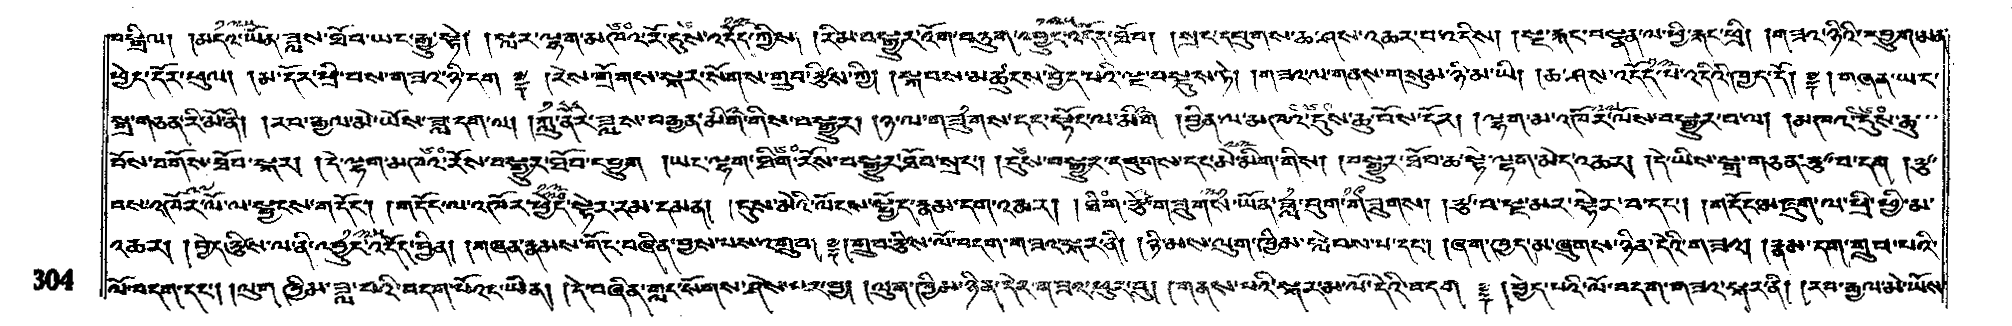བསྒྲིལ། །མདའ་ཡོན་ཟླས་ཐོབ་ཡང་རྒྱུ་སྟེ། །སླར་ལྷག་མཁའ་རོ་དུས་འདོད་ཀྱིས། །རིམ་བསྒྱུར་འོག་བཅུག་འབྱུང་འདོད་ཐོབ། །སྲང་དབུགས་ཆ་ཤས་འཆར་བ་འདིས། །སྔ་རྐང་བསྣན་ལ་ཕྱི་རྐང་ཕྲི། །གཟའ་ཉིའི་དབྱུག་མན་
ཕྱེད་དོར་ཕུལ། །མ་དོར་ཕྲི་བས་གཟའ་ཉི་དག ༈ །རེས་གྲོགས་སྐར་སོགས་གྲུབ་རྩིས་ཀྱི། །སྐབས་མཚུངས་བྱེད་པའི་ལྔ་བསྡུས་ཏེ། །གཟའ་ལ་གནས་གསུམ་ཉི་མ་ཡི། །ཆ་ཤས་འདོད་པ་འདིའི་ཁྱད་དོ། ༈ །གཞན་ཡང་
སྒྲ་གཅན་རི་མོ་ནི། །རབ་རྒྱལ་མེ་ཡོས་ཟླ་དག་ལ། །ཀླུ་ནོར་ཟླས་བརྒྱན་མིག་གིས་བསྒྱུར། །ཉ་ལ་གཟུགས་དང་སྟོང་ལ་མིག །བྱིན་ལ་མཁའ་དུས་ཆུ་བོས་དོར། །ལྷག་མ་འཁོར་ལོས་བསྒྱུར་བ་ལ། །མཁའ་དུས་ཆུ་
བོས་བགོས་ཐོབ་སྐར། །དེ་ལྷག་མཁའ་རོས་བསྒྱུར་ཐོབ་དབྱུག །ཡང་ལྷག་ཐིག་རོས་བསྒྱུར་ཐོབ་སྲང་། །དུས་བསྒྱུར་དབུགས་དང་མེ་མིག་གིས། །བསྒྱུར་ཐོབ་ཆ་སྟེ་ལྷག་མེད་འཆར། །དེ་ཡིས་སྒྲ་གཅན་རྩ་བ་དག །རྩ་
བས་འཁོར་ལོ་ལ་སྦྱངས་གདོང་། །གདོང་ལ་འཁོར་ཕྱེད་སྟེར་རམ་དམན། །དུས་མེའི་ལོངས་སྤྱོད་རྣམ་དག་འཆར། །ཐིག་རྩེ་གཟུགས་ཡོན་ཟླ་བུག་གཟུགས། །རྩ་བ་སྔ་མར་སྟེར་བ་དང་། །གདོང་མཇུག་ལ་ཕྲི་ཕྱི་མ་
འཆར། །བྱེད་རྩིས་ལ་ནི་འབྱུང་འདོད་བྱིན། །གཞན་རྣམས་གོང་བཞིན་བྱས་པས་འགྲུབ། ༈ །གྲུབ་རྩིས་ལོ་བདག་གཟའ་སྐར་ནི། །ཉི་མས་ལུག་ཁྱིམ་སླེབས་པ་དང་། །ཞག་ཁྱད་མ་ཞུགས་ཉིན་དེའི་གཟའ། །རྣམ་དག་གྲུབ་པའི་
ལོ་བདག་དང་། །ལུག་ཁྱིམ་ཟླ་བའི་བདག་པོའང་ཡིན། །དེ་བཞིན་གླང་སོགས་ཤེས་པར་བྱ། །ལུག་ཁྱིམ་ཉིན་དེར་གཟའ་ཕུར་བུ། །གནས་པའི་སྐར་མ་ལོ་དེའི་བདག ༈ །བྱེད་པའི་ལོ་བདག་གཟའ་སྐར་ནི། །རབ་རྒྱལ་མེ་ཡོས་